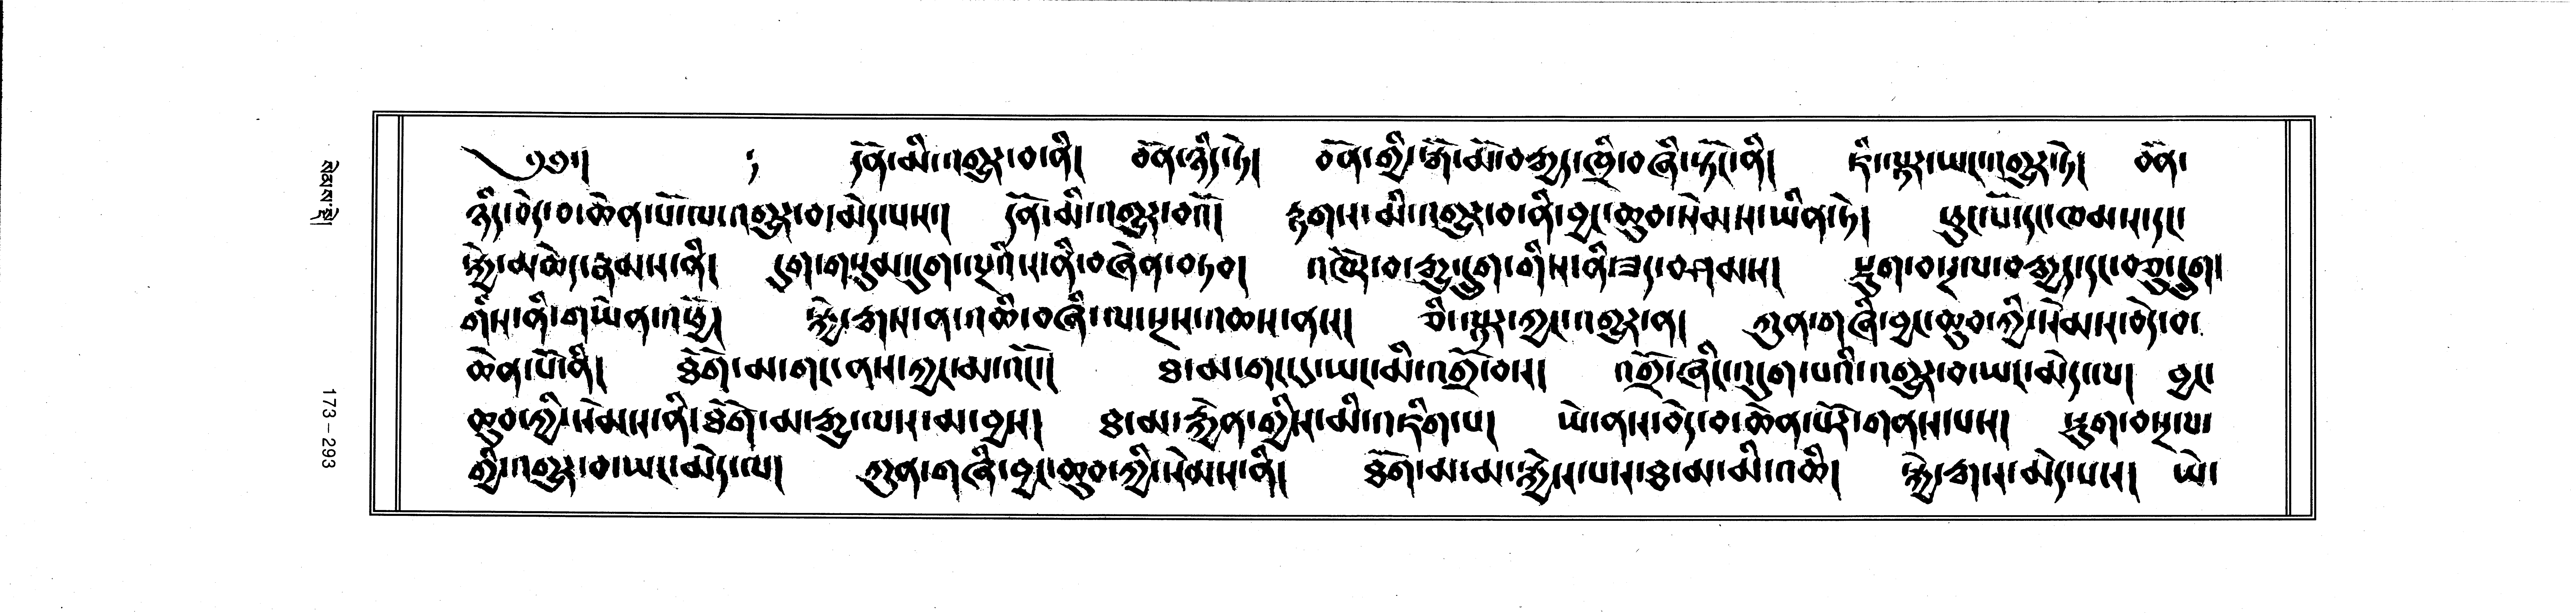དོན་མི་འགྱུར་བ་ནི་བོན་ཉིད་དེ། བོན་གྱི་སྒོ་མོ་བརྒྱད་ཁྲི་བཞི་སྟོང་ནི། ཇི་ལྟར་ཡང་འགྱུར་ཏེ། བོན་
ཉིད་བདེ་བ་ཆེན་པོ་ལ་འགྱུར་བ་མེད་པས། དོན་མི་འགྱུར་བའོ། །རྟགས་མི་འགྱུར་བ་ནི་བྱང་ཆུབ་ཀྱི་སེམས་ཏེ། ཕུང་པོ་དང་ཁམས་དང་
སྐྱེ་མཆེད་རྣམས་ནི། དུག་གསུམ་དུག་ལྔ་ཡིས་ནི་གཞེན་བཏབ། འཁོར་བ་རྒྱུ་དྲུག་གིས་ནི་ཟད་བཤམས། སྡུག་བསྔལ་བརྒྱད་དང་བཅུ་དྲུག་
གིས་ནི་གཡེན་འཕྱོ། སྐྱེ་རྒ་ན་འཆི་བཞི་ལ་སྔས་འཆས་ནས། ཅི་ལྟར་ཀྱང་འགྱུར་ན། ཀུན་གཞི་བྱང་ཆུབ་ཀྱི་སེམས་བདེ་བ་
ཆེན་པོ་ནི། ཐོག་མ་གང་ནས་ཀྱང་མ་འོང་། ཐ་མ་གང་དུ་ཡང་མི་འགྲོ་བས། འགྲོ་ཞིང་འདུག་པའི་འགྱུར་བ་ཡང་མེད་ལ། བྱང་
ཆུབ་ཀྱི་སེམས་ནི་ཐོག་མ་རྒྱུ་ལས་མ་བྱས། ཐ་ན་རྐྱེན་གྱིས་མི་འཇིག་པ། ཡེ་ནས་བདེ་བ་ཆེན་པོར་གནས་པས། སྡུག་བསྔལ་
གྱི་འགྱུར་བ་ཡང་མེད་ལ། ཀུན་གཞི་བྱང་ཆུབ་ཀྱི་སེམས་ནི། ཐོག་མ་མ་སྐྱེས་པས་ཐ་མ་མི་འཆི། སྐྱེ་རྒས་མེད་པས། ཡེ་